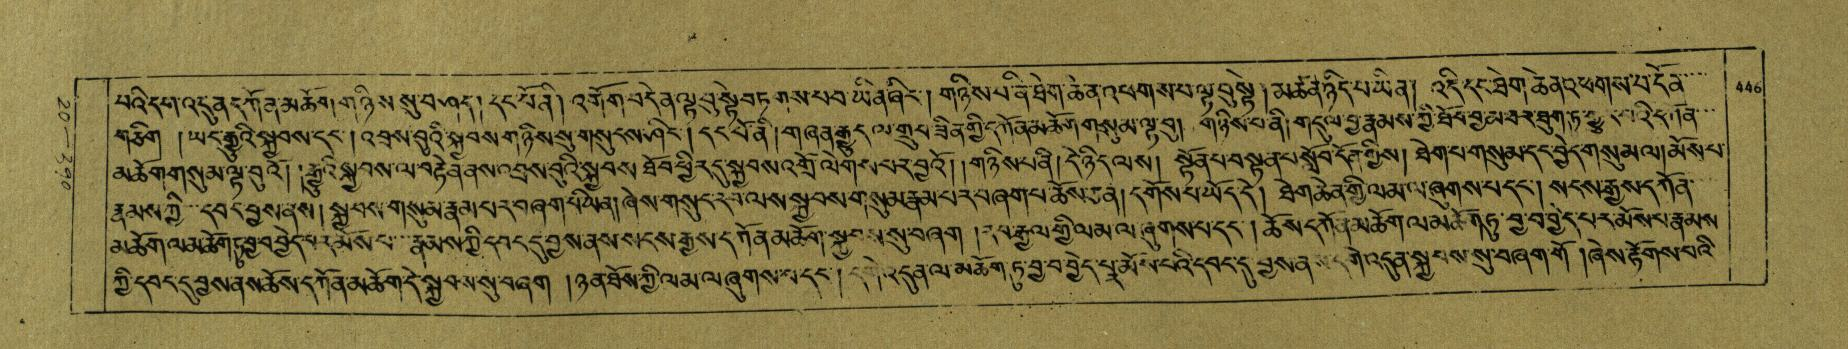པའི་དག་འདུན་དཀོན་མཆོག་གཉིས་སུ་བཤད། དང་པོ་ནི། འགོག་བདེན་ལྟ་བུ་སྟེ་བཏགས་པ་བ་ཡིན་ཞིང་། གཉིས་པ་ནི་ཐེག་ཆེན་འཕགས་པ་ལྟ་བུ་སྟེ། མཚན་ཉིད་པ་ཡིན། འདི་དང་ཐེག་ཆེན་འཕགས་པ་དོན་
གཅིག །ཡང་རྒྱུའི་སྐྱབས་དང་། འབྲས་བུའི་སྐྱབས་གཉིས་སུ་གསུངས་ཤིང་། དང་པོ་ནི། གཞན་རྒྱུད་ལ་གྲུབ་ཟིན་གྱི་དཀོན་མཆོག་གསུམ་ལྟ་བུ། གཉིས་པ་ནི། གདུལ་བྱ་རྣམས་ཀྱི་ཐོབ་བྱ་མཐར་ཐུག་ཏུ་གྱུར་པའི་དཀོན་
མཆོག་གསུམ་ལྟ་བུའོ། །རྒྱུའི་སྐྱབས་ལ་བརྟེན་ནས་འབྲས་བུའི་སྐྱབས་ཐོབ་ཕྱིར་དུ་སྐྱབས་འགྲོ་ལེགས་པར་བྱའོ། །གཉིས་པ་ནི། དེ་ཉིད་ལས། སྟོན་པ་བསྟན་པ་སློབ་དོན་གྱིས། ཐེག་པ་གསུམ་དང་བྱེད་གསུམ་ལ། མོས་པ་
རྣམས་ཀྱི་དབང་བྱས་ནས། སྐྱབས་གསུམ་རྣམ་པར་བཞག་པ་ཡིན། ཞེས་གསུང་རབ་ལས་སྐྱབས་གསུམ་རྣམ་པར་བཞག་པ་ཆོས་ཅན། དགོས་པ་ཡོད་དེ། ཐེག་ཆེན་གྱི་ལམ་ལ་ཞུགས་པ་དང་། སངས་རྒྱས་དཀོན་
མཆོག་ལམ་ཆོག་ཏུ་བྱ་བ་བྱེད་པར་མོས་པ་རྣམས་ཀྱི་དབང་དུ་བྱས་ནས་སངས་རྒྱས་དཀོན་མཆོག་སྐྱབས་སུ་བཞག །རབ་རྒྱལ་གྱི་ལམ་ལ་ཞུགས་པ་དང་། ཆོས་དཀོན་མཆོག་ལ་མཆོག་ཏུ་བྱ་བ་བྱེད་པར་མོས་པ་རྣམས་
ཀྱི་དབང་དུ་བྱས་ནས་ཆོས་དཀོན་མཆོག་དེ་སྐྱབས་སུ་བཞག །ཉན་ཐོས་ཀྱི་ལམ་ལ་ཞུགས་པ་དང་། དགེ་འདུན་ལ་མཆོག་ཏུ་བྱ་བ་བྱེད་པར་མོས་པའི་དབང་དུ་བྱས་ནས་དགེ་འདུན་སྐྱབས་སུ་བཞག་གོ །ཞེས་རྟོགས་པའི་